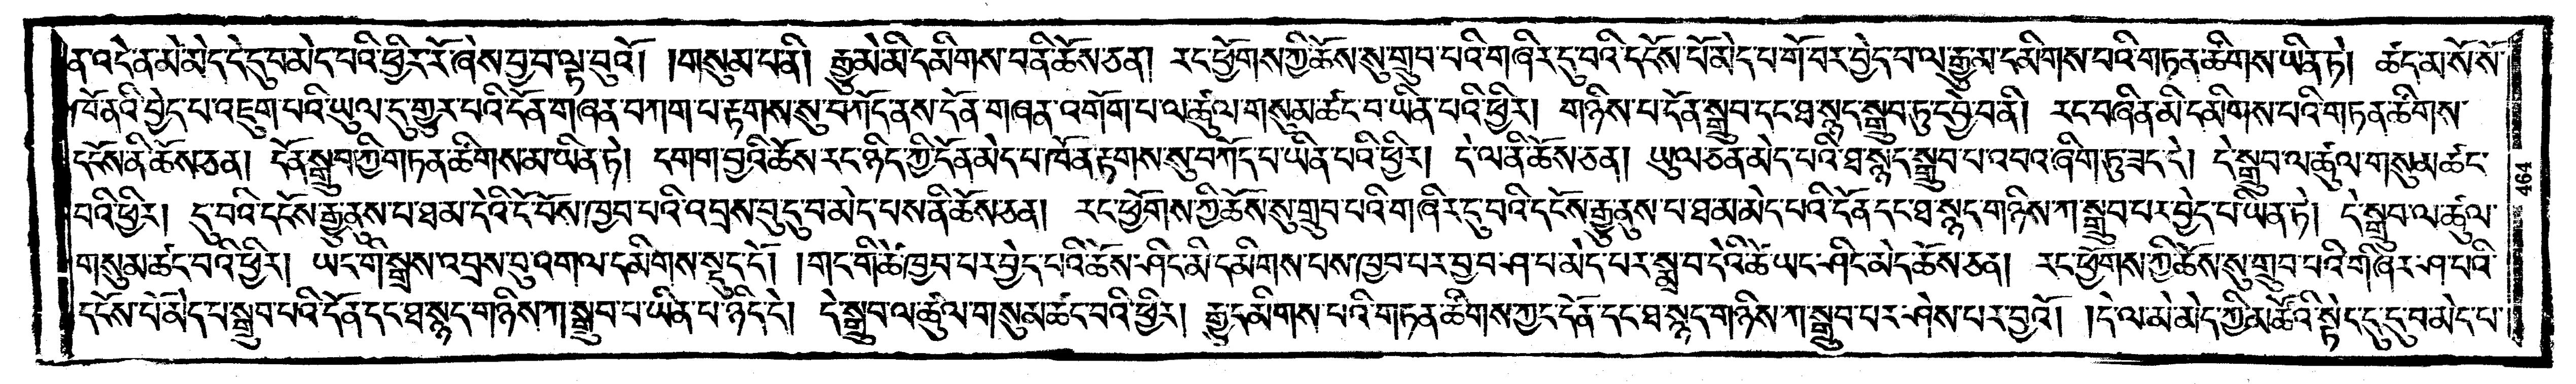ན་འདེ་?་ན་མེ་མེད་དེ་དུ་བ་མེད་པའི་ཕྱིར་རོ་ཞེས་བྱ་བ་ལྟ་བུའོ། །གསུམ་པ་ནི། རྒྱུ་མེ་མི་དམིགས་པ་ནི་ཆོས་ཅན། རང་ཕྱོགས་ཀྱི་ཆོས་སུ་གྲུབ་པའི་གཞིར་དུ་བའི་དངོས་པོ་མེད་པ་གོ་བར་བྱེད་པ་ལ་རྒྱུ་མ་དམིགས་པའི་གཏན་ཚིགས་ཡིན་ཏེ། ཚད་མ་སོ་སོ་
ཁོ་ནའི་བྱེད་པ་འཇུག་པའི་ཡུལ་དུ་གྱུར་པའི་དོན་གཞན་བཀག་པ་རྟགས་སུ་བཀོད་ནས་དོན་གཞན་འགོག་པ་ལ་ཚུལ་གསུམ་ཚང་བ་ཡིན་པའི་ཕྱིར། གཉིས་པ་དོན་སྒྲུབ་དང་ཐ་སྙད་སྒྲུབ་ཏུ་དབྱེ་བ་ནི། རང་བཞིན་མི་དམིགས་པའི་གཏན་ཚིགས་
དངོས་ནི་ཆོས་ཅན། དོན་སྒྲུབ་ཀྱི་གཏན་ཚིགས་མ་ཡིན་ཏེ། དགག་བྱའི་ཆོས་རང་ཉིད་ཀྱི་དོན་མེད་པ་ཁོ་ན་རྟགས་སུ་བཀོད་པ་ཡིན་པའི་ཕྱིར། དེ་ལ་ནི་ཆོས་ཅན། ཡུལ་ཅན་མེད་པའི་ཐ་སྙད་སྒྲུབ་པ་འབའ་ཞིག་ཏུ་ཟད་དེ། དེ་སྒྲུབ་ལ་ཚུལ་གསུམ་ཚང་
བའི་ཕྱིར། དུ་བའི་དངོས་རྒྱུ་ནུས་པ་ཐ་མ་དེའི་ངོ་བོས་ཁྱབ་པའི་འབྲས་བུ་དུ་བ་མེད་པས་ནི་ཆོས་ཅན། རང་ཕྱོགས་ཀྱི་ཆོས་སུ་གྲུབ་པའི་གཞིར་དུ་བའི་དངོས་རྒྱུ་ནུས་པ་ཐ་མ་མེད་པའི་དོན་དང་ཐ་སྙད་གཉིས་ཀ་སྒྲུབ་པར་བྱེད་པ་ཡིན་ཏེ། དེ་སྒྲུབ་ལ་ཚུལ་
གསུམ་ཚང་བའི་ཕྱིར། ཡང་གི་སྒྲས་འབྲས་བུ་འགལ་དམིགས་སྡུད་དོ། །གང་གི་ཚེ་ཁྱབ་པར་བྱེད་པའི་ཆོས་ཤིང་མི་དམིགས་པས་ཁྱབ་པར་བྱ་བ་ཤ་པ་མེད་པར་སྨྲ་བ་དེའི་ཚེ་ཡང་ཤིང་མེད་ཆོས་ཅན། རང་ཕྱོགས་ཀྱི་ཆོས་སུ་གྲུབ་པའི་གཞིར་ཤ་པའི་
དངོས་པོ་མེད་པ་སྒྲུབ་པའི་དོན་དང་ཐ་སྙད་གཉིས་ཀ་སྒྲུབ་པ་ཡིན་པ་ཉིད་དེ། དེ་སྒྲུབ་ལ་ཚུལ་གསུམ་ཚང་བའི་ཕྱིར། རྒྱུ་དམིགས་པའི་གཏན་ཚིགས་ཀྱང་དོན་དང་ཐ་སྙད་གཉིས་ཀ་སྒྲུབ་པར་ཤེས་པར་བྱའོ། །དེ་ལ་མེ་མེད་ཀྱི་མཚོའི་སྟེང་དུ་དུ་བ་མེད་པ་